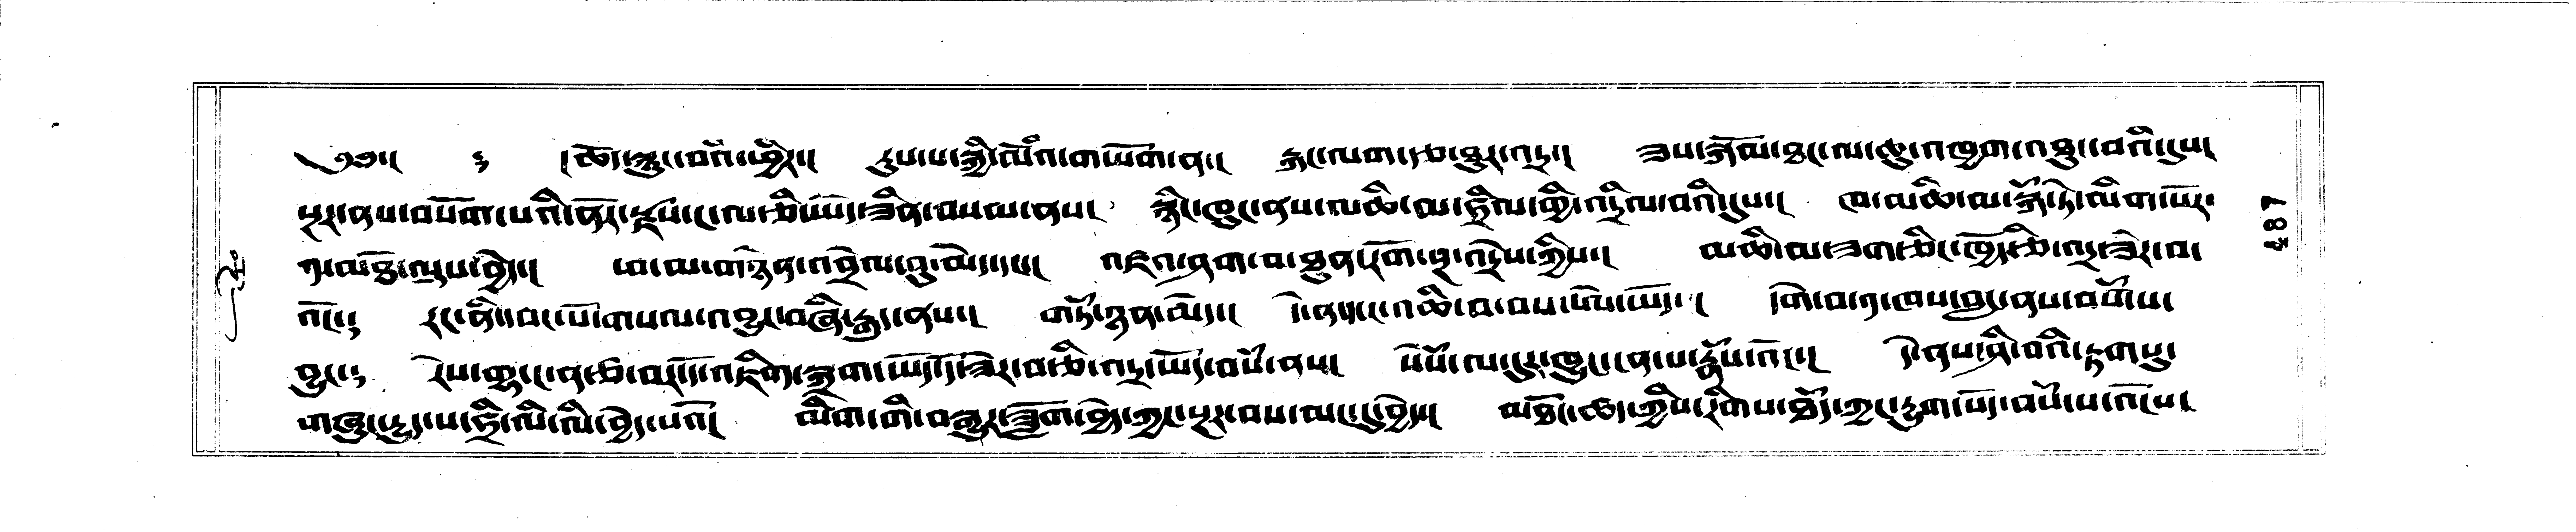ཆུད་ཉུང་པའི་ཕྱིར། རུས་པ་སྐྱི་མོས་གཡོག་ནས་རྐེ་༼རྐང༽ལག་རྩ་ཐུར་འདྲ། ཟས་སྐོམ་ཐང་ལ་ཆུ་འཁྱགས་འཐུང་པའི་དུས། 
སྔར་གྱིས་བསོགས་པའི་ནོར་གྱིས་ང་ལ་ཅི་ཕན་བསམ་ནས། སྙིང་ཁུང་ན་མཆི་མ་ཧྲིལ་གྱིས་འདྲིལ་བའི་དུས། ཁ་མཆུ་སྐམ་ཏེ་མིག་སེར་ལྕི་
གེས་མཐོ་ལྟས་བྱེད། ཕ་མ་གཉེན་འབྲེལ་བུ་སྨད་དང་། མཛའ་ཤག་མཐུན་རོག་སྔ་འདྲིས་ཀྱིས། མཆི་མ་ཟག་ཅིང་ཁྱོད་ཅི་འདྲ་ཟེར་བ་
འོང་། རང་ལ་ནི་དབང་པོ་༼མི༽གསལ་ཏེ་འབྱུང་བཞི་རྒུད་ནས་གཏམ་ཉམ་མེད། དེ་ནས་ད་ང་འཆི་བེས་ཨེའུ་ཡོད་ དགེ་བ་ཅིག་ཁས་བླང་ནས་བསམ་པ་འོང་། 
རེ་གྷ་(འགའ)ང་ཤི་ཙ་བར་ན་འཇིགས་སྐྲགས་ཡོད་ཟེར་བ་ཅི་འདྲ་ཡོད་བསམ་ནས། སེམས་ལ་དུར་ཁྱུང་‘ཏུར་ཁྱུད’ངན་པ་རྣམས་འོང་། དེ་ནས་ཤི་བའི་རྟགས་སུ་
གཞུང་རྒྱུད་ཧྲི་ལི་ལི་བྱེད་ནི་འོང་། མིག་གིས་བསྒྱུར་བེས་རྫོགས་ཀྱང་སྔར་བེས་མང་དུ་བྱེད། མཐོང་ཚད་ཀྱིས་རི་ཐམས་ཅད་ཀྱང་། རྒྱུག་བརྡོ་བསམ་པ་འོང་།